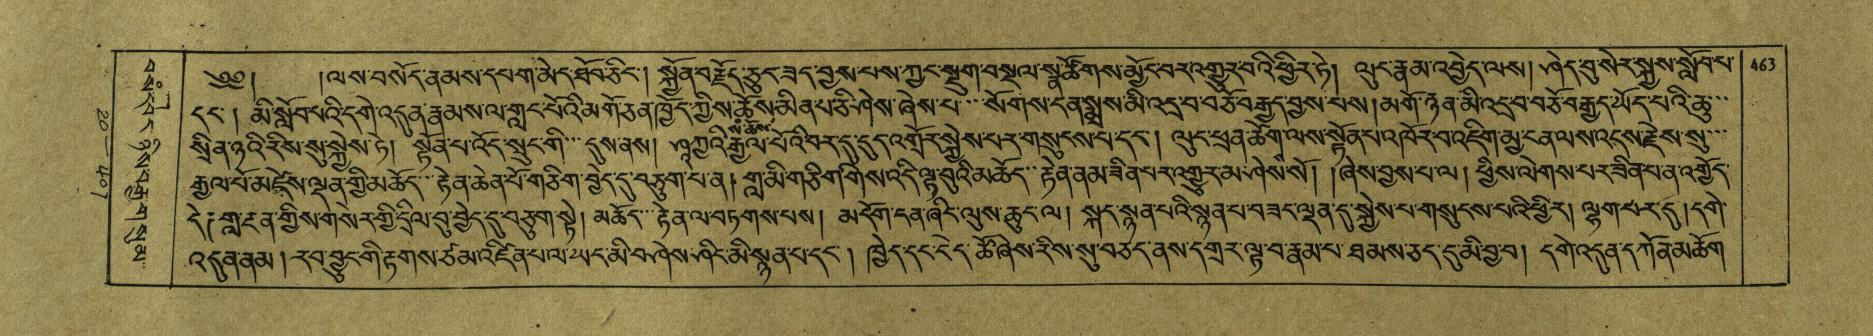༄༅། །ལས་བསོད་ནམས་དཔག་མེད་ཐོབ་ཅིང་། སྐྱོན་བརྗོད་ཅུང་ཟད་བྱས་པས་ཀྱང་སྡུག་བསྔལ་སྣ་ཚོགས་མྱོང་བར་འགྱུར་བའི་ཕྱིར་ཏེ། ལུང་རྣམ་འབྱེད་ལས། ཤེད་བུ་སེར་སྐྱས་སློབ་པ་
དང་། མི་སློབ་པའི་དགེ་འདུན་རྣམས་ལ་གླང་པོའི་མགོ་ཅན་ཁྱོད་ཀྱིས་ཆོས་སཾ་ཆོས་མིན་པ་ཅི་ཤེས་ཞེས་པ་སོགས་དན་སྨྲས་མི་འདྲ་བ་བཅོ་བརྒྱད་བྱས་པས། མགོ་ཉན་མི་འདྲ་བ་བཅོ་བརྒྱད་ཡོད་པའི་ཆུ་
སྲིན་ཉའི་རིས་སུ་སྐྱེས་ཏེ། སྟོན་པ་འོད་སྲུང་གི་དུས་ནས། ཤཱཀྱའི་རྒྱལ་པོའི་བར་དུ་དུད་འགྲོར་སྐྱེས་པར་གསུངས་པ་དང་། ལུང་ཕྲན་ཚེག་ལས་སྟོན་པ་འཁོར་བ་འཇིག་མྱ་ངན་ལས་འདས་རྗེས་སུ་
རྒྱལ་པོ་མཛེས་ལྡན་གྱི་མཆོད་རྟེན་ཆེན་པོ་གཅིག་བྱེད་དུ་བཅུག་པ་ན། གླ་མི་གཅིག་གིས་འདི་ལྟ་བུའི་མཆོད་རྟེན་ནམ་ཟིན་པར་འགྱུར་མ་ཤེས་སོ། །ཞེས་བྱས་པ་ལ། ཕྱིས་ལེགས་པར་ཟིན་པ་ན་འགྱོད་
དེ༑ གླ་རྔན་གྱིས་གསེར་གྱི་དྲིལ་བུ་བྱེད་དུ་བཅུག་སྟེ། མཆོད་རྟེན་ལ་བཏགས་པས། མདོག་དན་ཞིང་ལུས་ཆུང་ལ། སྐད་སྙན་པའི་སྙན་པ་བཟང་ལྡན་དུ་སྐྱེས་པ་གསུངས་པའི་ཕྱིར། ལྷག་པར་དུ། དགེ་
འདུན་ནམ། རབ་བྱུང་གི་རྟགས་ཙམ་འཛིན་པ་ལ་ཡང་མི་བཤེས་ཤིང་མི་སྙན་པ་དང་། ཁྱེད་དང་ངེད་ཚོ་ཞེས་རིས་སུ་བཅད་ནས་དགྲར་ལྟ་བ་རྣམ་པ་ཐམས་ཅད་དུ་མི་བྱ་བ། དགེ་འདུན་དཀོན་མཆོག་